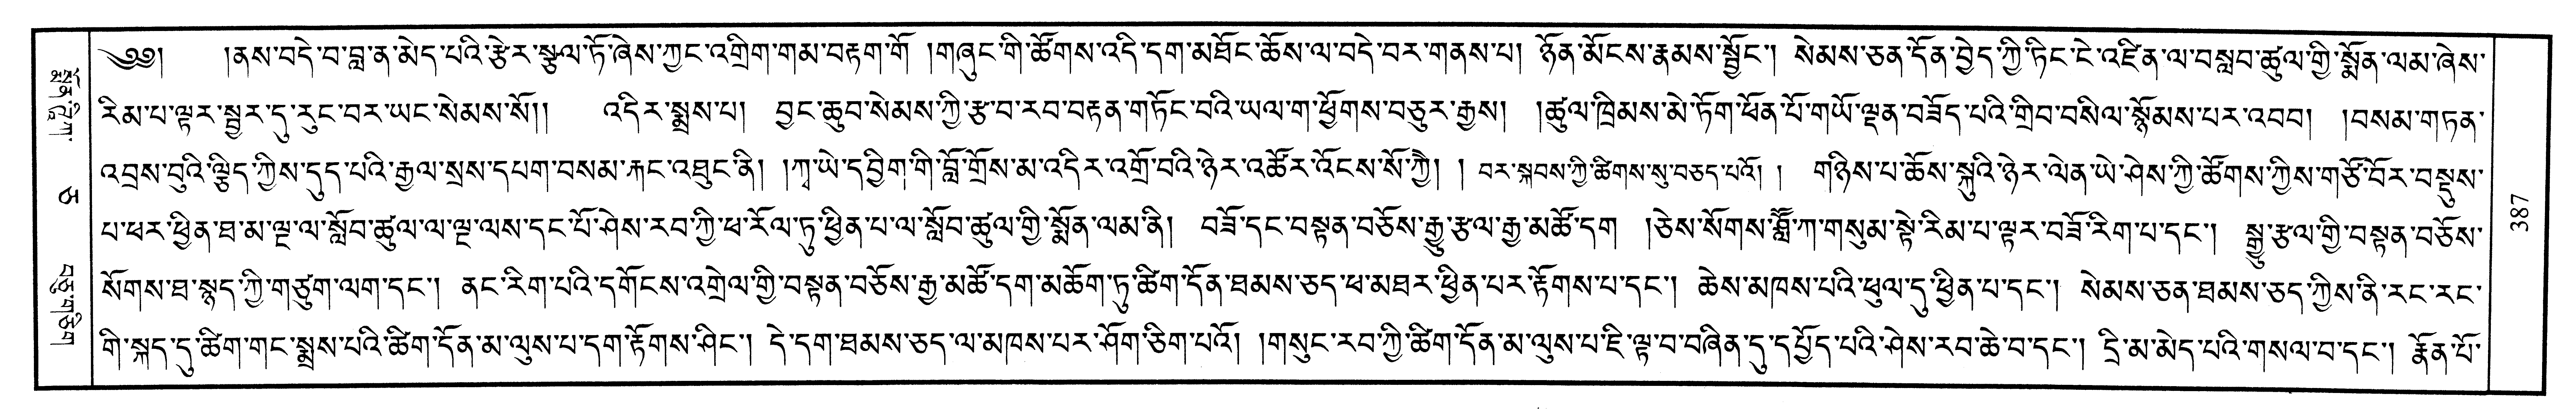༄༅། །ནས་བདེ་བ་བླ་ན་མེད་པའི་རྩེར་སྩལ་ཏོ་ཞེས་ཀྱང་འགྲིག་གམ་བརྟག་གོ །གཞུང་གི་ཚོགས་འདི་དག་མཐོང་ཆོས་ལ་བདེ་བར་གནས་པ། ཉོན་མོངས་རྣམས་སྦྱོང་། སེམས་ཅན་དོན་བྱེད་ཀྱི་ཏིང་ངེ་འཛིན་ལ་བསླབ་ཚུལ་གྱི་སྨོན་ལམ་ཞེས་
རིམ་པ་ལྟར་སྦྱར་དུ་རུང་བར་ཡང་སེམས་སོ།། འདིར་སྨྲས་པ། བྱང་ཆུབ་སེམས་ཀྱི་རྩ་བ་རབ་བརྟན་གཏོང་བའི་ཡལ་ག་ཕྱོགས་བཅུར་རྒྱས། །ཚུལ་ཁྲིམས་མེ་ཏོག་ཕོན་པོ་གཡོ་ལྡན་བཟོད་པའི་གྲིབ་བསིལ་སྙོམས་པར་འབབ། །བསམ་གཏན་
འབྲས་བུའི་ལྕིད་ཀྱིས་དུད་པའི་རྒྱལ་སྲས་དཔག་བསམ་རྐང་འཐུང་ནི། །ཀྭ་ཡེ་དབྱིག་གི་བློ་གྲོས་མ་འདིར་འགྲོ་བའི་ཉེར་འཚོར་འོངས་སོ་ཀྱཻ། །བར་སྐབས་ཀྱི་ཚིགས་སུ་བཅད་པའོ།། གཉིས་པ་ཆོས་སྐུའི་ཉེར་ལེན་ཡེ་ཤེས་ཀྱི་ཚོགས་ཀྱིས་གཙོ་བོར་བསྡུས་
པ་ཕར་ཕྱིན་ཐ་མ་ལྔ་ལ་སློབ་ཚུལ་ལ་ལྔ་ལས་དང་པོ་ཤེས་རབ་ཀྱི་ཕ་རོལ་ཏུ་ཕྱིན་པ་ལ་སློབ་ཚུལ་གྱི་སྨོན་ལམ་ནི། བཟོ་དང་བསྟན་བཅོས་རྒྱུ་རྩལ་རྒྱ་མཚོ་དག །ཅེས་སོགས་ཤླཽ་ཀ་གསུམ་སྟེ་རིམ་པ་ལྟར་བཟོ་རིག་པ་དང་། སྒྱུ་རྩལ་གྱི་བསྟན་བཅོས་
སོགས་ཐ་སྙད་ཀྱི་གཙུག་ལག་དང་། ནང་རིག་པའི་དགོངས་འགྲེལ་གྱི་བསྟན་བཅོས་རྒྱ་མཚོ་དག་མཆོག་ཏུ་ཚིག་དོན་ཐམས་ཅད་ཕ་མཐར་ཕྱིན་པར་རྟོགས་པ་དང་། ཆེས་མཁས་པའི་ཕུལ་དུ་ཕྱིན་པ་དང་། སེམས་ཅན་ཐམས་ཅད་ཀྱིས་ནི་རང་རང་
གི་སྐད་དུ་ཚིག་གང་སྨྲས་པའི་ཚིག་དོན་མ་ལུས་པ་དག་རྟོགས་ཤིང་། དེ་དག་ཐམས་ཅད་ལ་མཁས་པར་ཤོག་ཅིག་པའོ། །གསུང་རབ་ཀྱི་ཚིག་དོན་མ་ལུས་པ་ཇི་ལྟ་བ་བཞིན་དུ་དཔྱོད་པའི་ཤེས་རབ་ཆེ་བ་དང་། དྲི་མ་མེད་པའི་གསལ་བ་དང་། རྣོན་པོ་